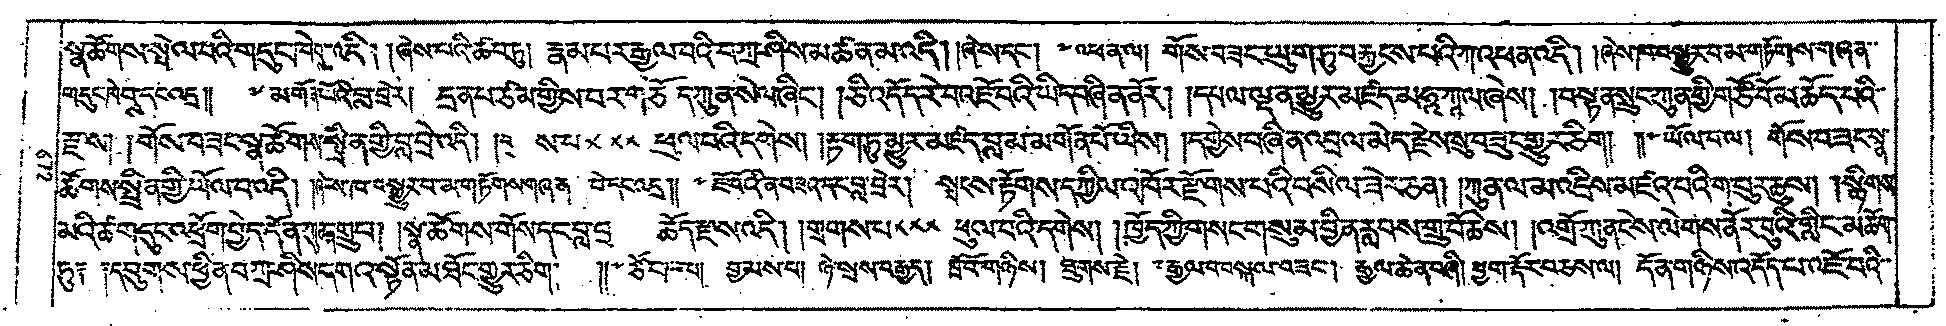སྣ་ཚོགས་སྤེལ་བའི་གདུང་ཁེབས་འདི། །ཞེས་པའི་ཚབ་ཏུ། རྣམ་པར་རྒྱལ་བའི་བཀྲ་ཤིས་མཚན་མ་འདི། ། ཞེས་དང་། ༧་འཕན་ལ།  གོས་བཟང་ཡུག་ཏུ་བརྐྱངས་པའི་ཀ་འཕན་འདི། །ཞེས་ཁ་བསྒྱུར་བ་མ་གཏོགས་གཞན་
གདུང་ཁེབས་དང་འདྲ།།༧་མགོན་པོའི་བླ་བྲེར། དྲན་པ་ཙམ་གྱིས་བར་གཅོད་ཀུན་སེལ་ཞིང་། །ཅི་འདོད་རེ་བ་འཇོ་བའི་ཡིད་བཞིན་ནོར། །དཔལ་ལྡན་མྱུར་མཛད་མཧཱ་ཀཱ་ལ་ཞེས། །བསྟན་སྲུང་ཀུན་གྱི་གཙོ་བོ་མཆོད་པའི་
རྫས། །གོས་བཟང་སྣ་ཚོགས་སྤྲིན་གྱི་བླ་བྲེ་འདི། །གྲས་པ་྾་྾་྾་ཕུལ་བའི་དགེས། །རྟག་ཏུ་མྱུར་མཛད་བླ་མ་མགོན་པོ་ཡིས། །དགྱེས་བཞིན་འབྲལ་མེད་རྗེས་སུ་བཟུང་གྱུར་ཅིག ། །།༧་ཡོལ་བ་ལ།  གོས་བཟང་སྣ་
ཚོགས་སྤྲིན་གྱི་ཡོལ་བ་འདི། ། ཞེས་ཁ་བསྒྱུར་བ་མ་གཏོགས་གཞན་བེ་དང་འདྲ། ། ༧་ཇོ་བོའི་ན་བཟའ་དང་བླ་བྲེར།  སྤངས་རྟོགས་དཀྱིལ་འཁོར་རྫོགས་པའི་བསིལ་ཟེར་ཅན། །ཀུན་ལ་མ་འདྲིས་མཛའ་བའི་ག་བུར་ཆུས། །སྙིགས་
མའི་ཚ་གདུང་འཕྲོག་བྱེད་དོན་ཀུན་གྲུབ། །སྣ་ཚོགས་གོས་དང་བླ་བྲང་མཆོད་རྫས་འདི། །གྲགས་པ་྾་྾་྾་ཕུལ་བའི་དགེས། །ཁྱོད་ཀྱི་གསང་གསུམ་བྱིན་རླབས་གྲུ་བོ་ཆེས། །འགྲོ་ཀུན་ངེས་ལེགས་ནོར་བུའི་གླིང་མཆོག་
ཏུ༑ ༑དབུགས་ཕྱིན་བཀྲ་ཤིས་དགའ་སྟོན་མཐོང་གྱུར་ཅིག ། །།༧་ཙོང་ཁ་པ། བྱམས་པ། ཉེ་སྲས་བརྒྱད། ཁྲོ་བོ་གཉིས། ཐུགས་རྗེ། ༧་རྒྱལ་བ་བསྐལ་བཟང་། རྒྱལ་ཆེན་བཞི། ཕྱག་རྡོར་བཅས་ལ།  དོན་གཉིས་འདོད་པ་འཇོ་བའི་